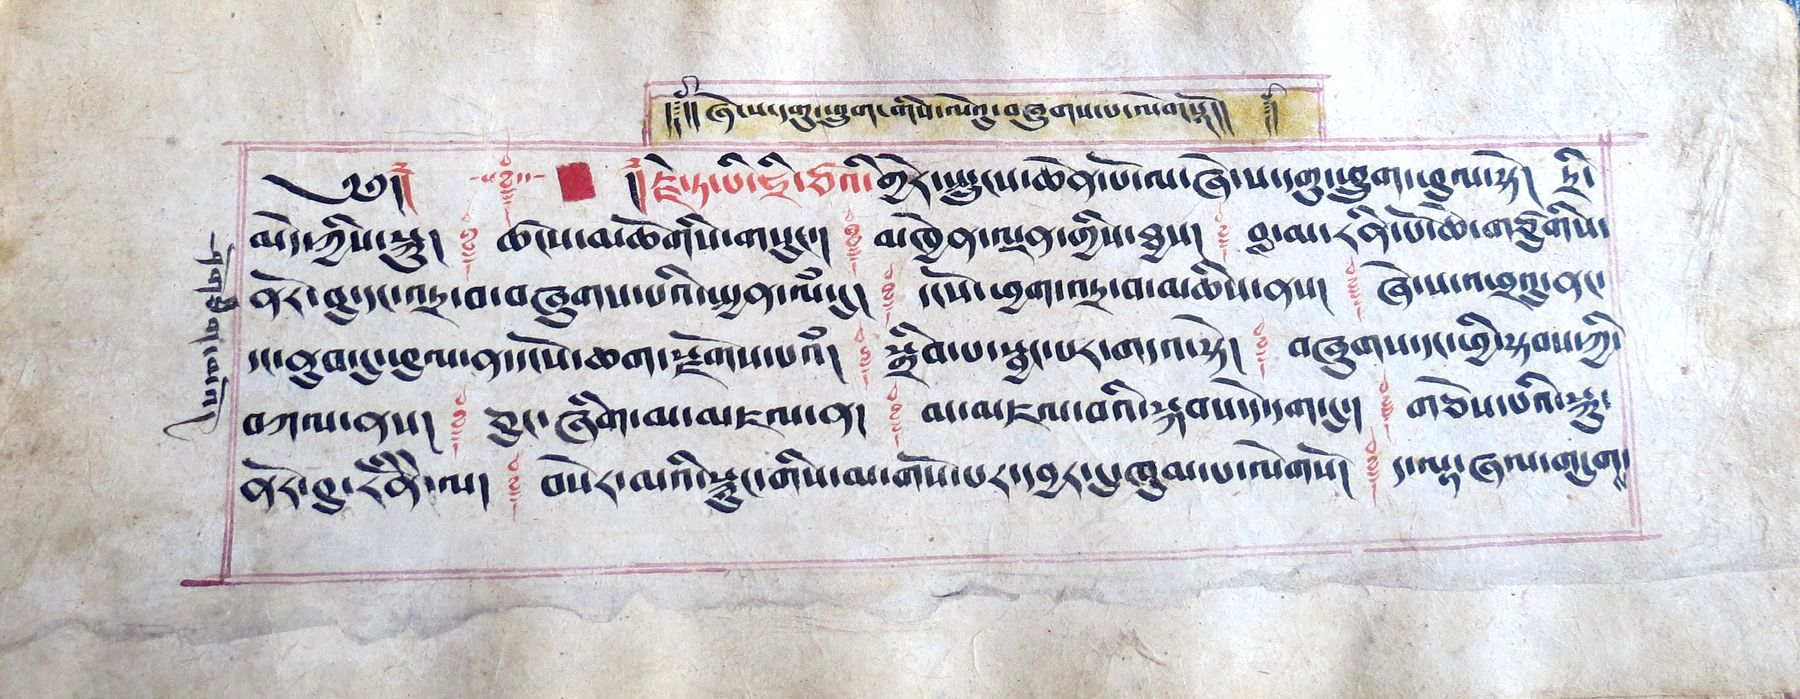༼ཞེ་ས་དགུ་ཕྲུག་གི་ལེའུ་བཞུགས་པ་ལེགས་སོ། ༽༄༅།། །།རྗེ་ཏ་པི་ཧྲི་ཙས་གྱེར་སྤུངས་ཆེན་པོ་ལ། ཞེ་ས་དགུ་ཕྲུགས་ཕུལ་ཏེ། དྲི་
མེད་ཀྱི་སྐུ། ཚངས་མཆོག་གི་གསུང་། མཁྱེན་ལྡན་གྱི་ཐུགས། བླ་མ་རིན་པོ་ཆེ་གཙུག་གི་
ནོར་བུ་དང་འདྲ་བ་བཞུགས་པའི་སྤྱན་ལམ་དུ། ངོས་ཅག་འདྲ་བ་མཆིས་ནས། ཞེ་ས་ཕྲའུ་ནང་
དང་ནུབ་ཏུ་ཕུལ་ནས། ངོས་ཅག་གི་ཚོགས་རྫོགས་པའམ། སྒྲིབ་པ་སྦྱང་བར་གདའ་སྟེ། བཞུགས་ཡུལ་དང་མཆིས་སྟབས་ཀྱིས་
བསྐལ་ནས། ཅུང་ཞིག་མ་མཇལ་ན། མ་མཇལ་བའི་སྐབས་དེ་དག་ཏུ། གཅེས་པའི་སྐུ་
ནོར་བུ་རིན་པོ་ཆེ་ལ། བསེར་མའི་སྙུང་གིས་མ་གོས་པར་མཇལ་དུ་ཁུམས་པ་ལགས། ད་ལྟ་ཞལ་གདུགས་